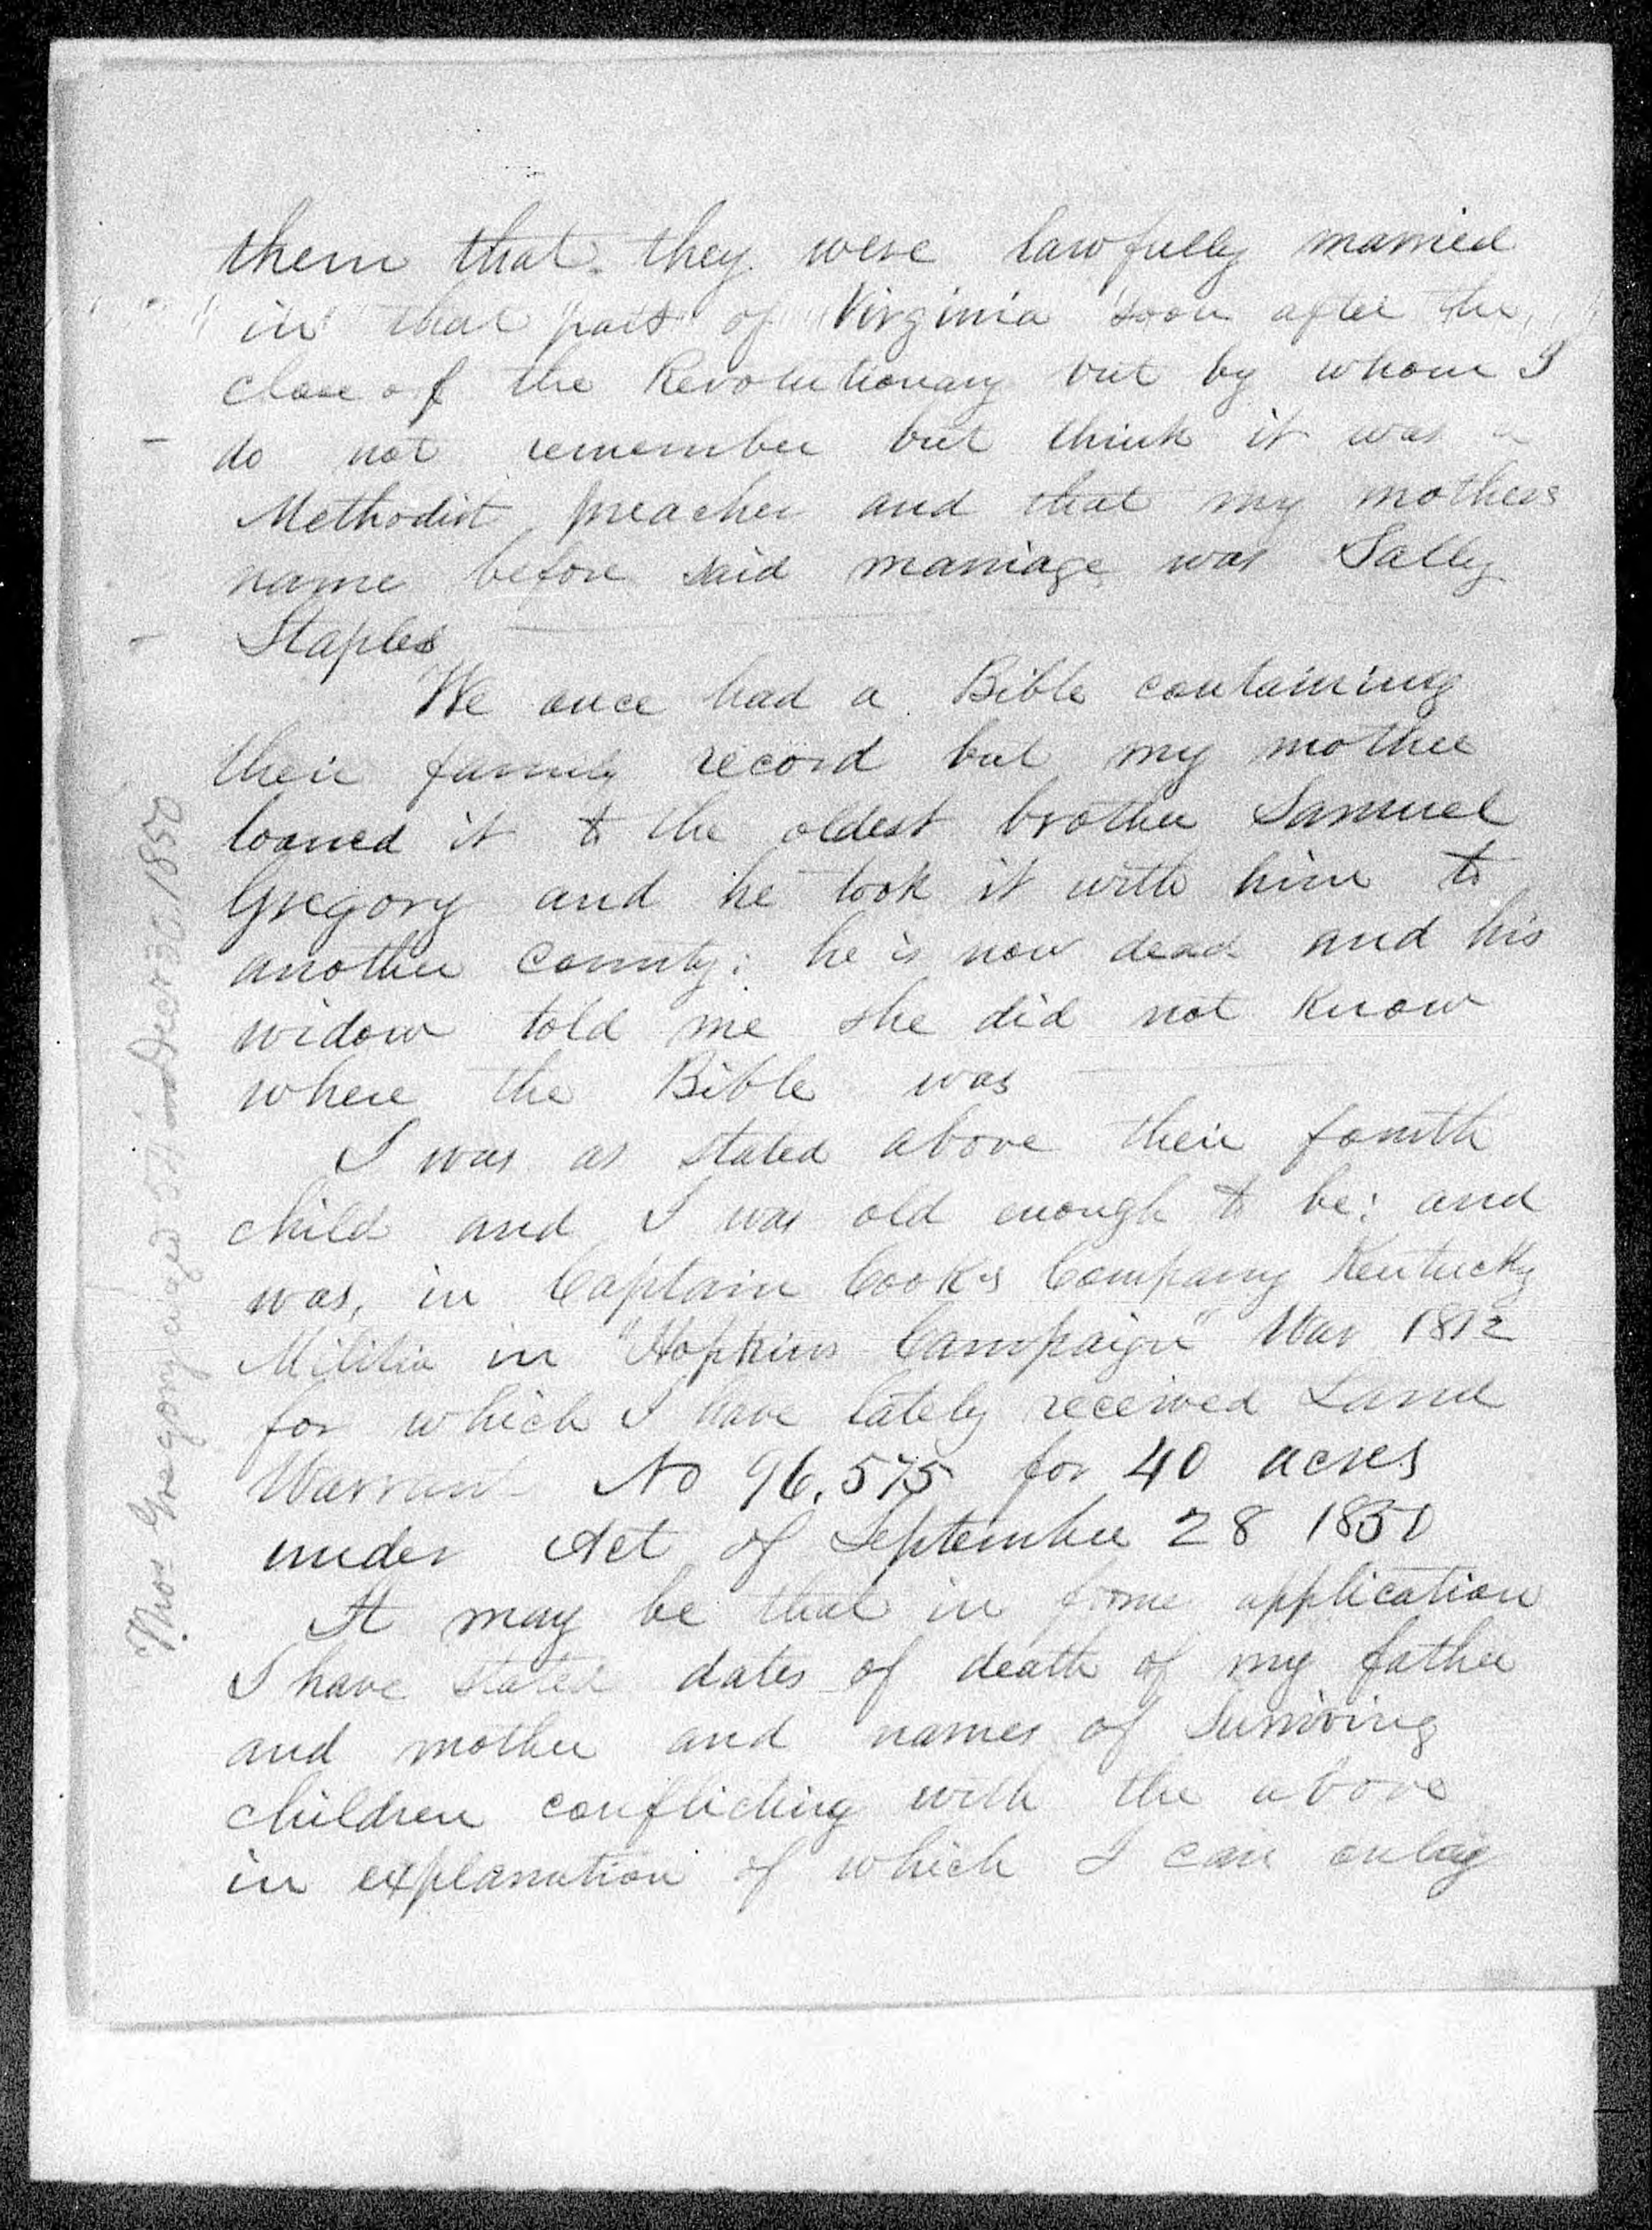them that they were lawfully married in that part of Virginia soon after the close of the Revolutionary but by whom I do not remember but think it was Methodist preacher and that my mothers name before said marriage was Sally Staples.
We once had a Bible containing their family record but my mother loaned it to the oldest brother Samuel Gregory and he took it with him to another county; he is now dead and his widow told me she did not know where the Bible was.
I was as stated above their fourth child and I was old enough to be, and was, in Captain Cook's Company Kentucky Militia in "Hopkins Campaign" War 1812 for which I have lately received Land Warrant No 96,575 for 40 acres under Act of September 28 1837
It may be that in some application I have stated dates of death of my father and mother and names of Surviving children conflicting with the above in explanation of which I can only

[In margin;  Thos. Gregory aged 54 Dec'r 30, 1850]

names: Thos Gregory, Sally Staples, Samuel Gregory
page: 57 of 75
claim: widow's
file: W. 8876, Thomas Gregory, Continental Va